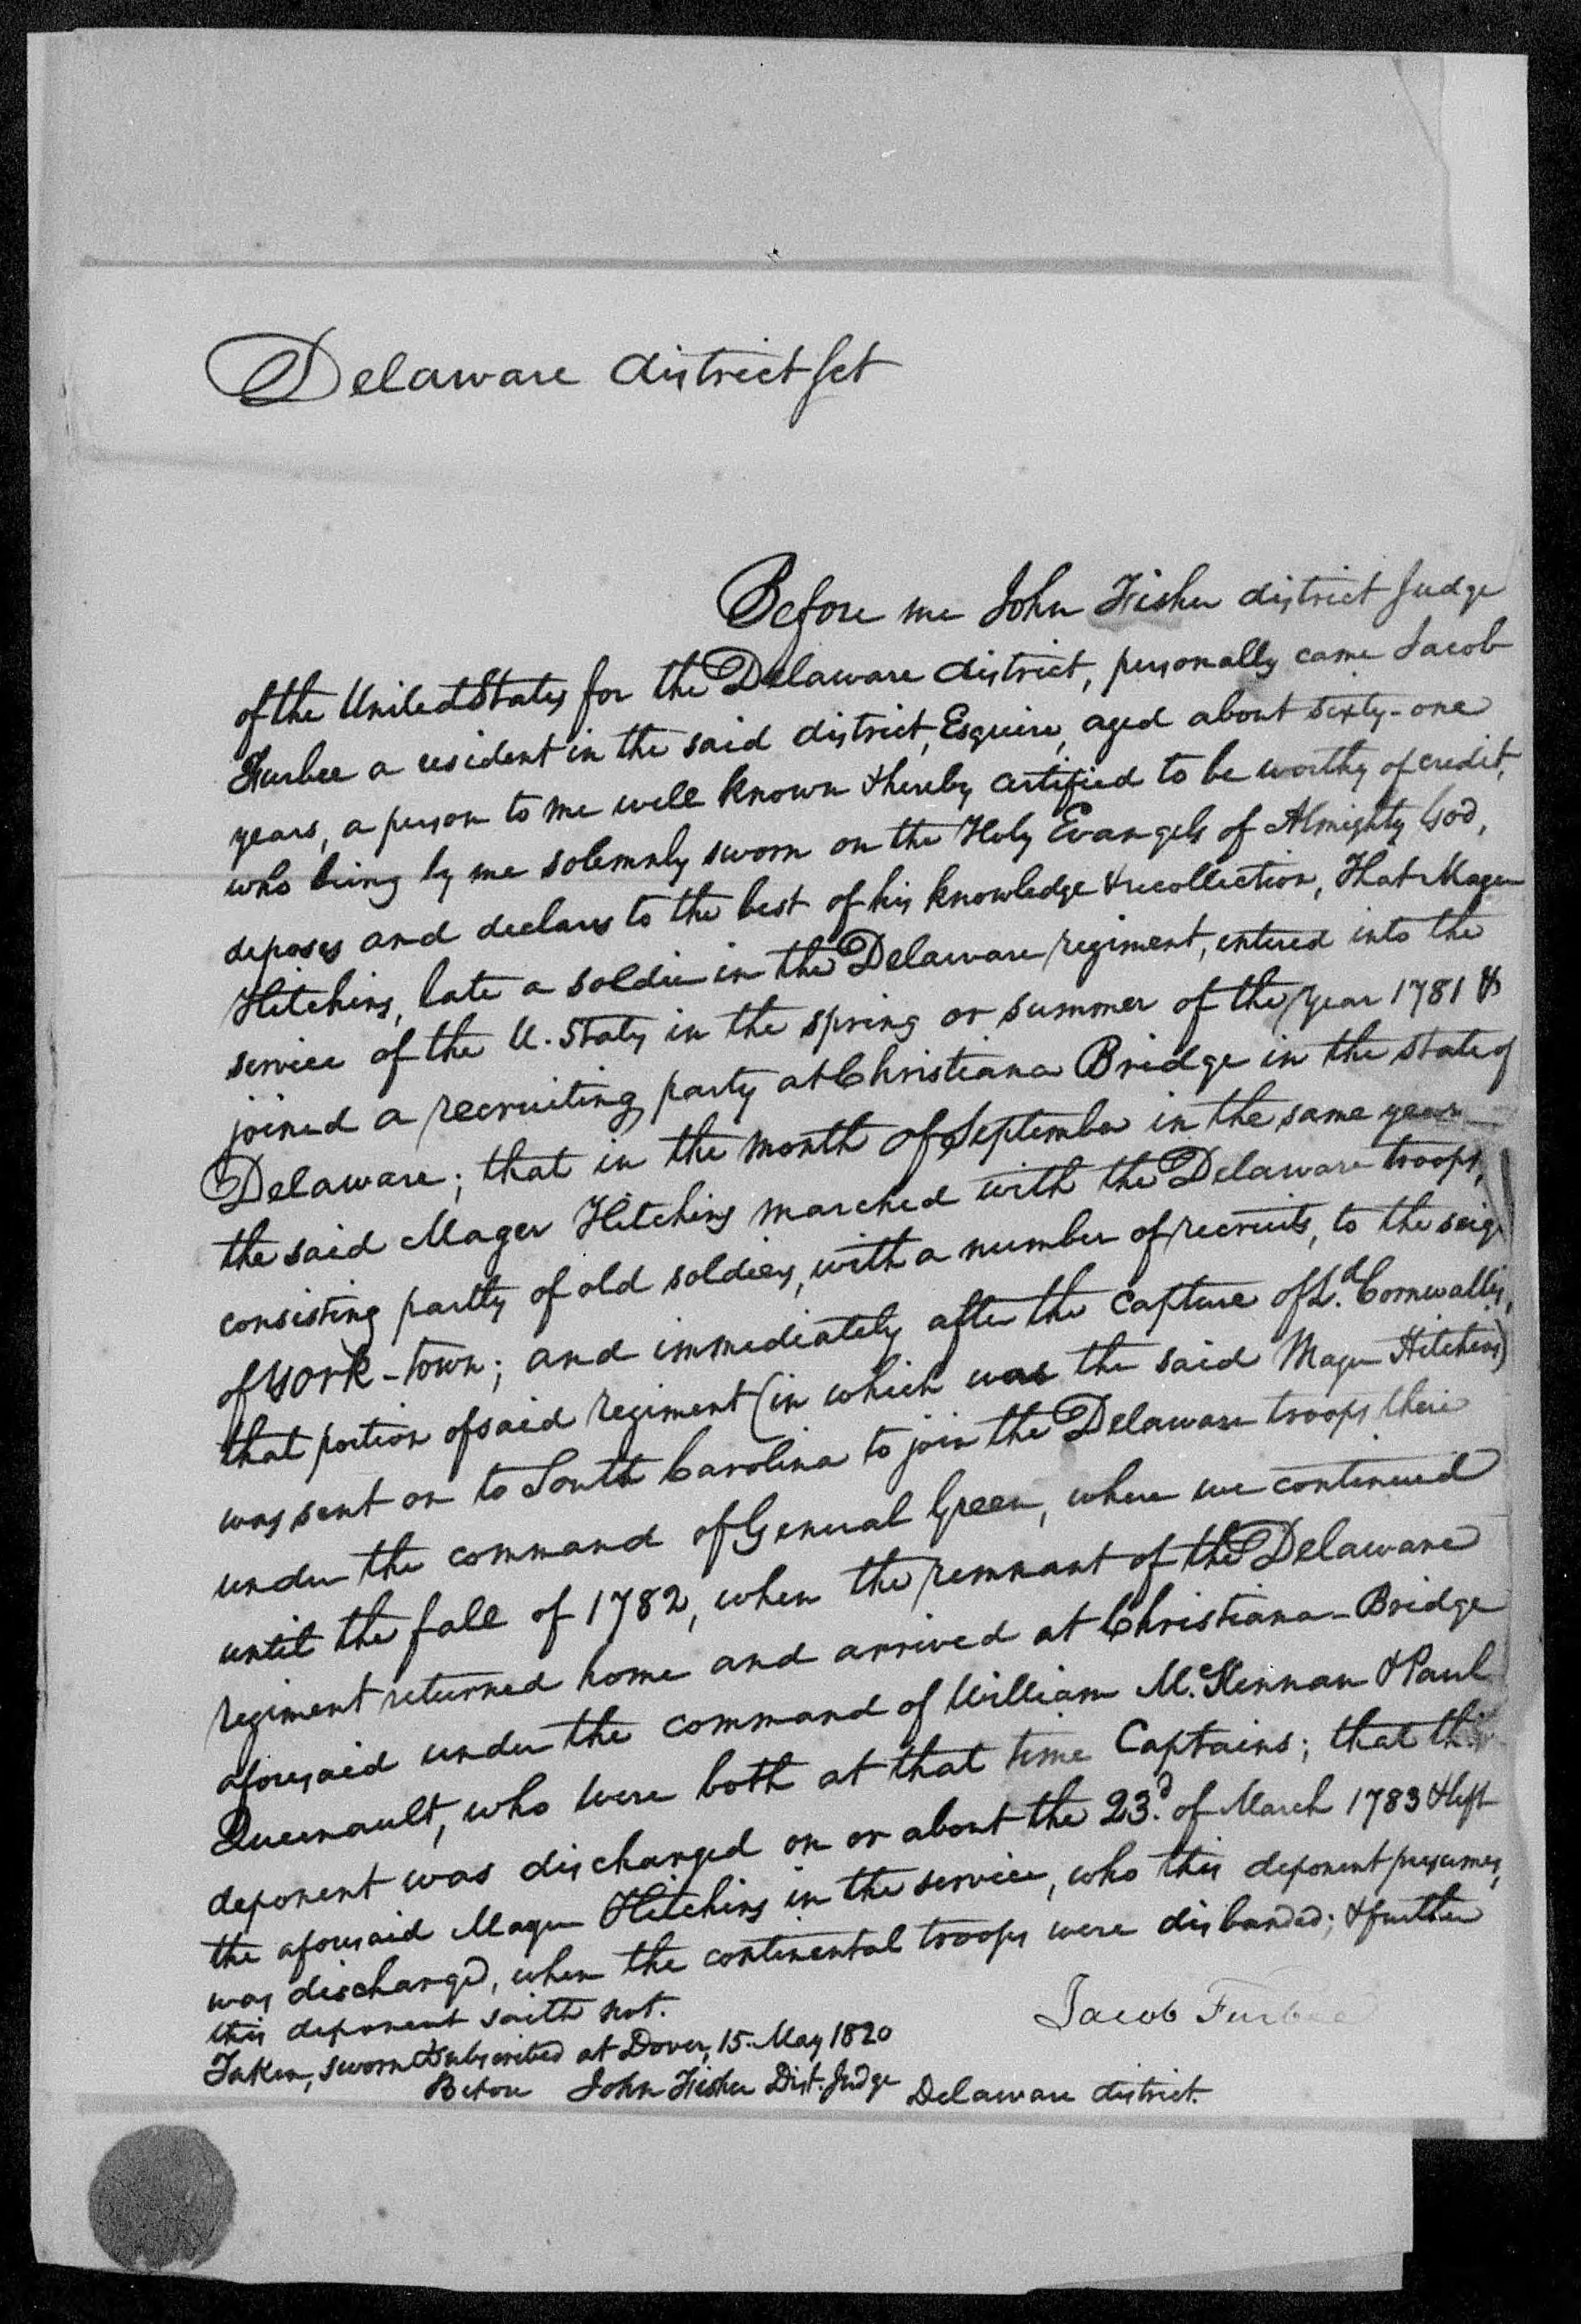Delaware district set
Before me John Fisher district Judge
of the United States for the Delaware district, personally came Jacob
Furbee a resident in the said district, Esquire, aged about sixty one
years, a person to me well known hereby certified to be worthy of credit
who being by me solemnly sworn on the Holy Evangels of Almighty God,
deposes and declares to the best of his knowledge & recollection, That Major
Hitchens, late a soldier in the Delaware regiment, entered into the
service of the U. States in the spring or summer of the year 1781 &
joined a recruiting party at Christiana Bridge in the State of
Delaware; that in the month of September in the same year
the said Majer Hitchins marched with the Delaware troops,
consisting partly of old soldiers, with a number of recruits, to the seige
of York-town; and immediately after the capture of Lt Cornwall,
that portion of said regiment (in which was the said Majer Hitchens)
was sent on to South Carolina to join the Delaware troops there
under the command of General Green, when we continued
until the fall of 1782, when the remnant of the Delaware
regiment returned home and arrived at Christiana Bridge
aforesaid under the command of William McKennan & Paul
Querault, who were both at that time Captains, that the
deponent was discharged on or about the 23d of March 1783 this
the aforesaid Mager Hitchens in the service, who this deponent persames,
was discharge, when the continental troops were disbanded, & further
this deponent saith not.
Taken, sworn subscribed at Dover, 15. May 1820
Before John Fisher Dist. Judge Delaware district.

Jacob Furbee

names: Mager Hitchens, Mager Hitchens, William Mc Kennan, Green, Jacob Furbee, John Fisher, Jacob Furbee, Major Hitchens, John Fisher, Mager Hitchins, Paul Queerault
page: 7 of 21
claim: survivor's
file: S. 36017, Major Hitchens, Del.